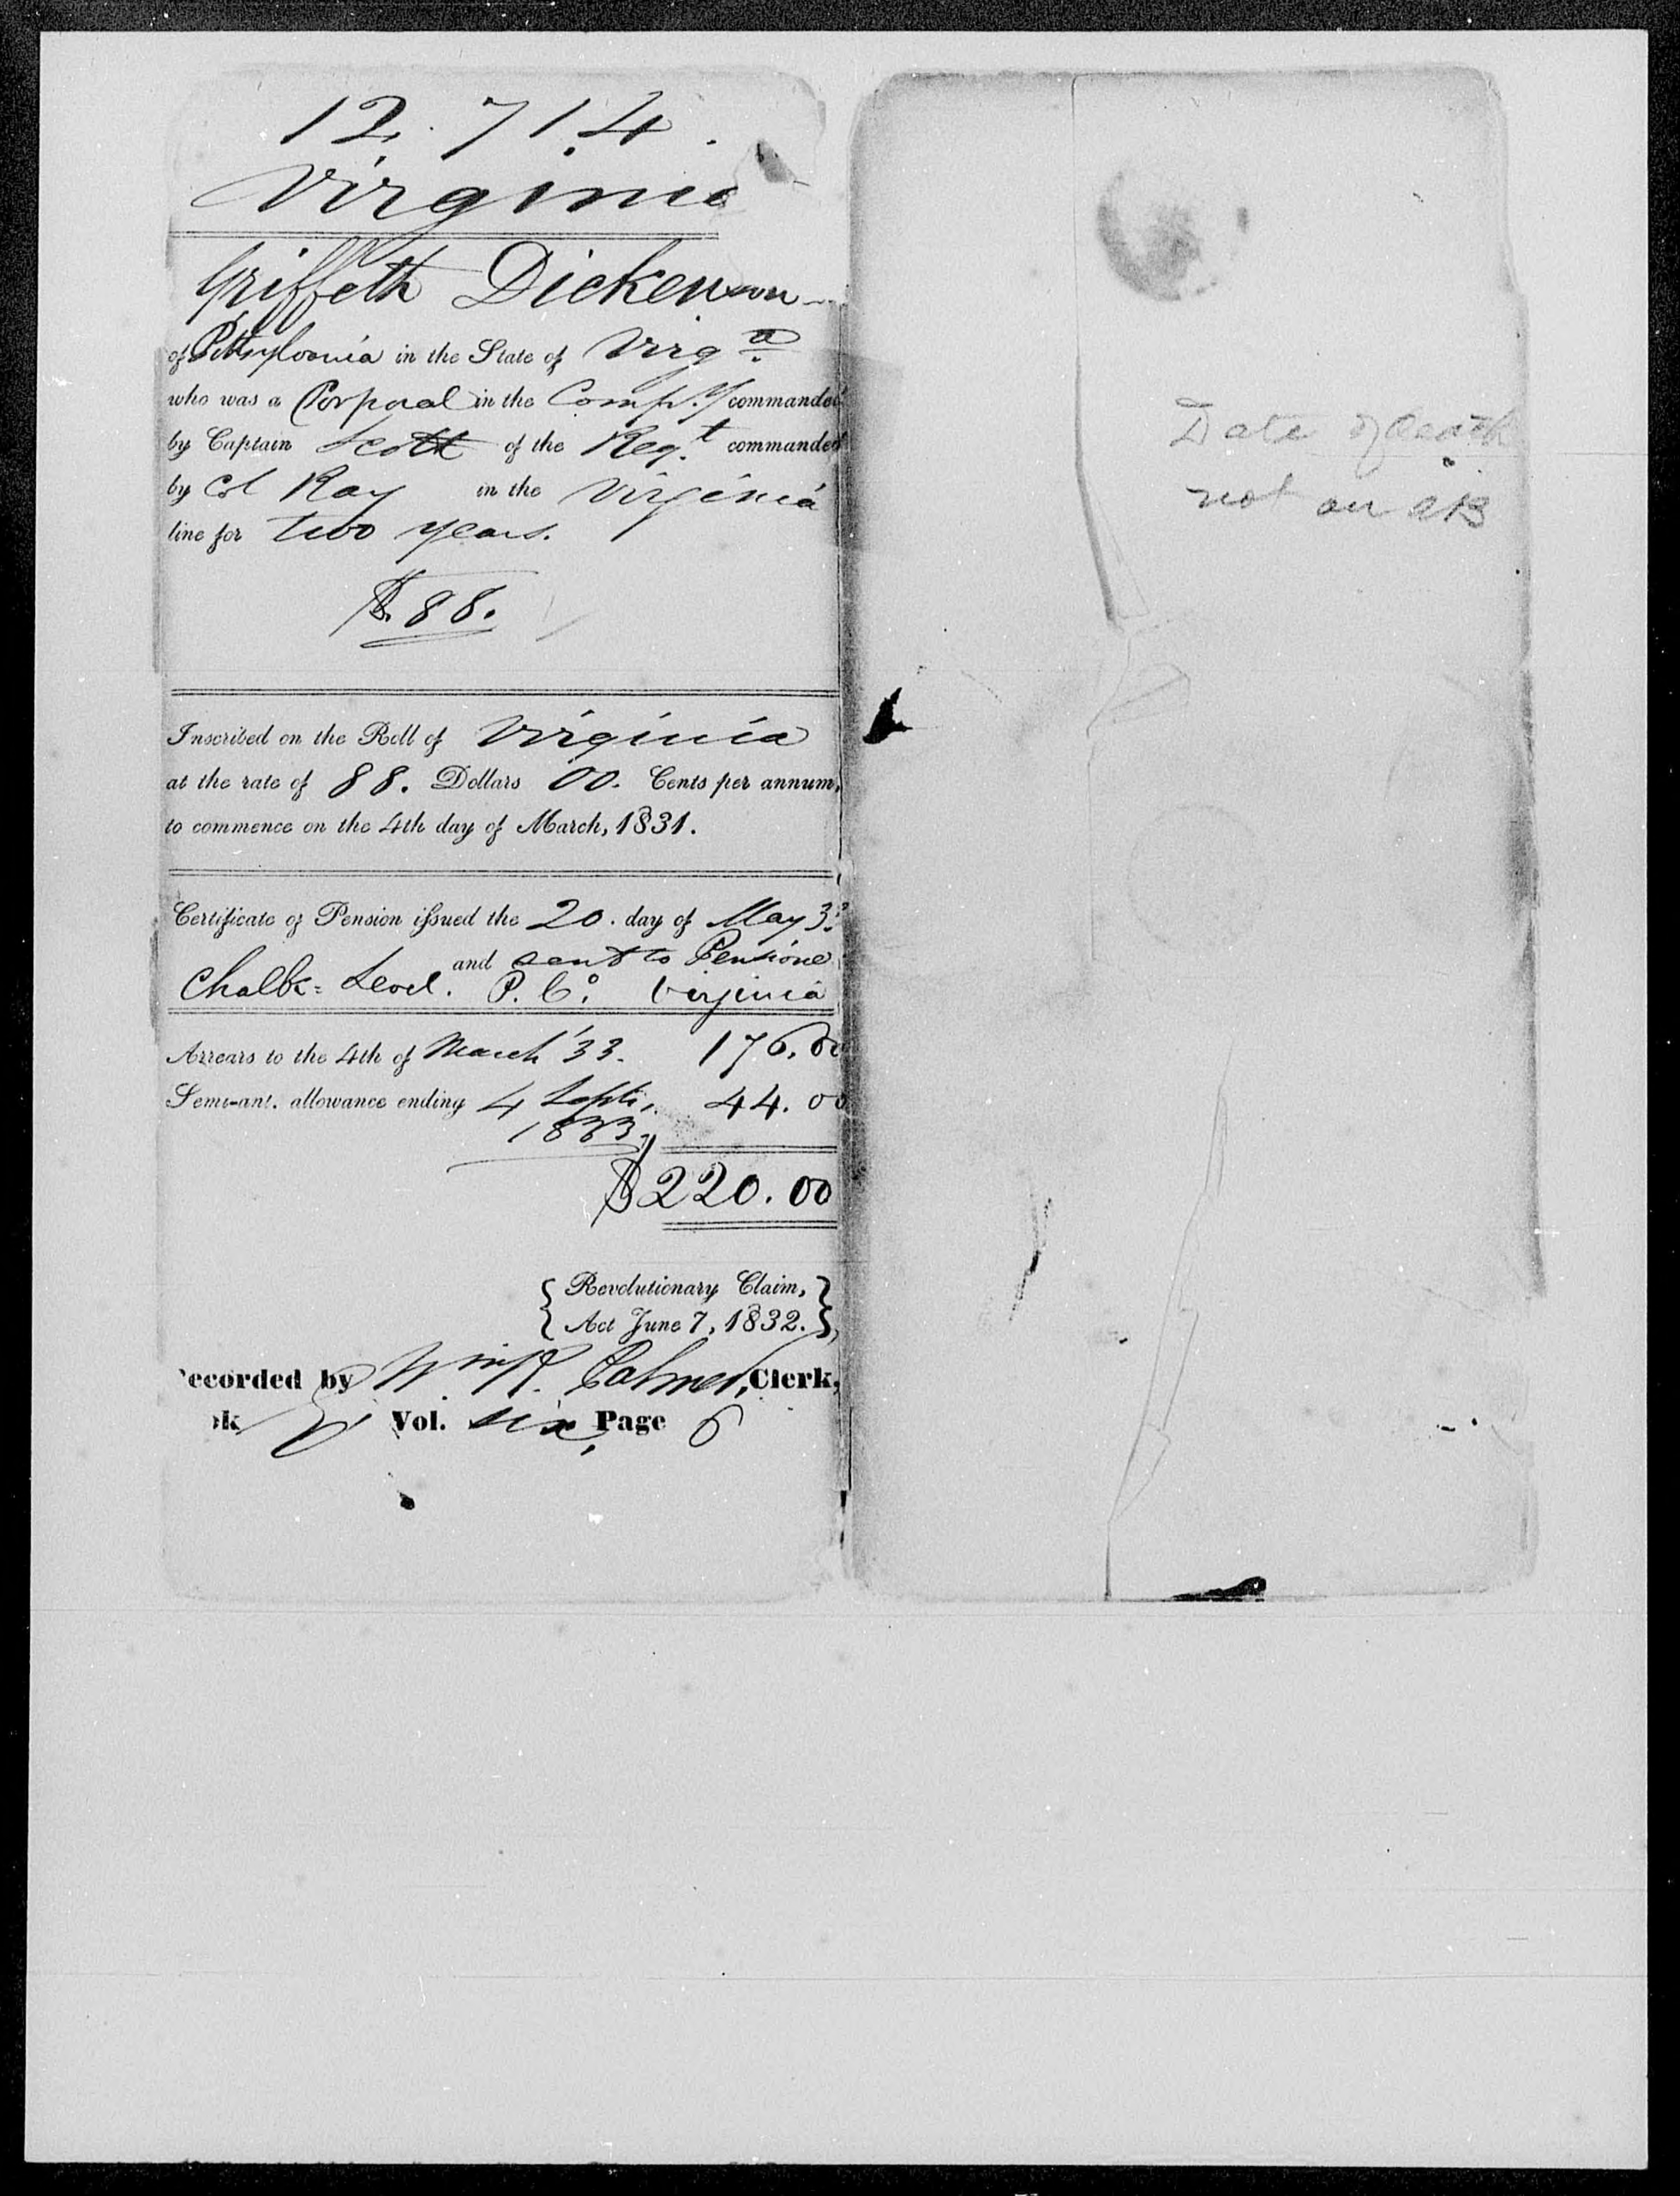12714
Virginia
Griffeth Dickenson of
Pittsylvania in the State of Virg a-.
who was a Corporal in the Comp.y commanded
by Captain Scott of the Reg.t commanded
by Col Ray in the Virginia
line for two years.
                    $88.

Inscribed on the Roll of Virginia
at the rate of 88. dollars 00. Cents per annum,
to commence on the 4th day of March, 1834.

Certificate of Pension issued the 20. day of May 33 and sent to Pensioner
Chalk. Level.  P. C o,    Virginia
Arrears to the 4th of March '33      176.00
Semi-ant. allowance ending  4 (    ) 44.00
                                                 1833 ________
                                                          $220.00
                                                          _________

                                         {Revolutionary Claim, 
                                         {Act June 7, 1832.
  Recorded by Wm. R. Palmer, Clerk,
   Book 8?  Vol. six , Page6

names: Chalk Level, Griffeth Dickenson, Scott, Ray, Wm R Palmer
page: 2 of 26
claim: survivor's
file: S. 20896, Griffeth Dickenson, Ga. Va.